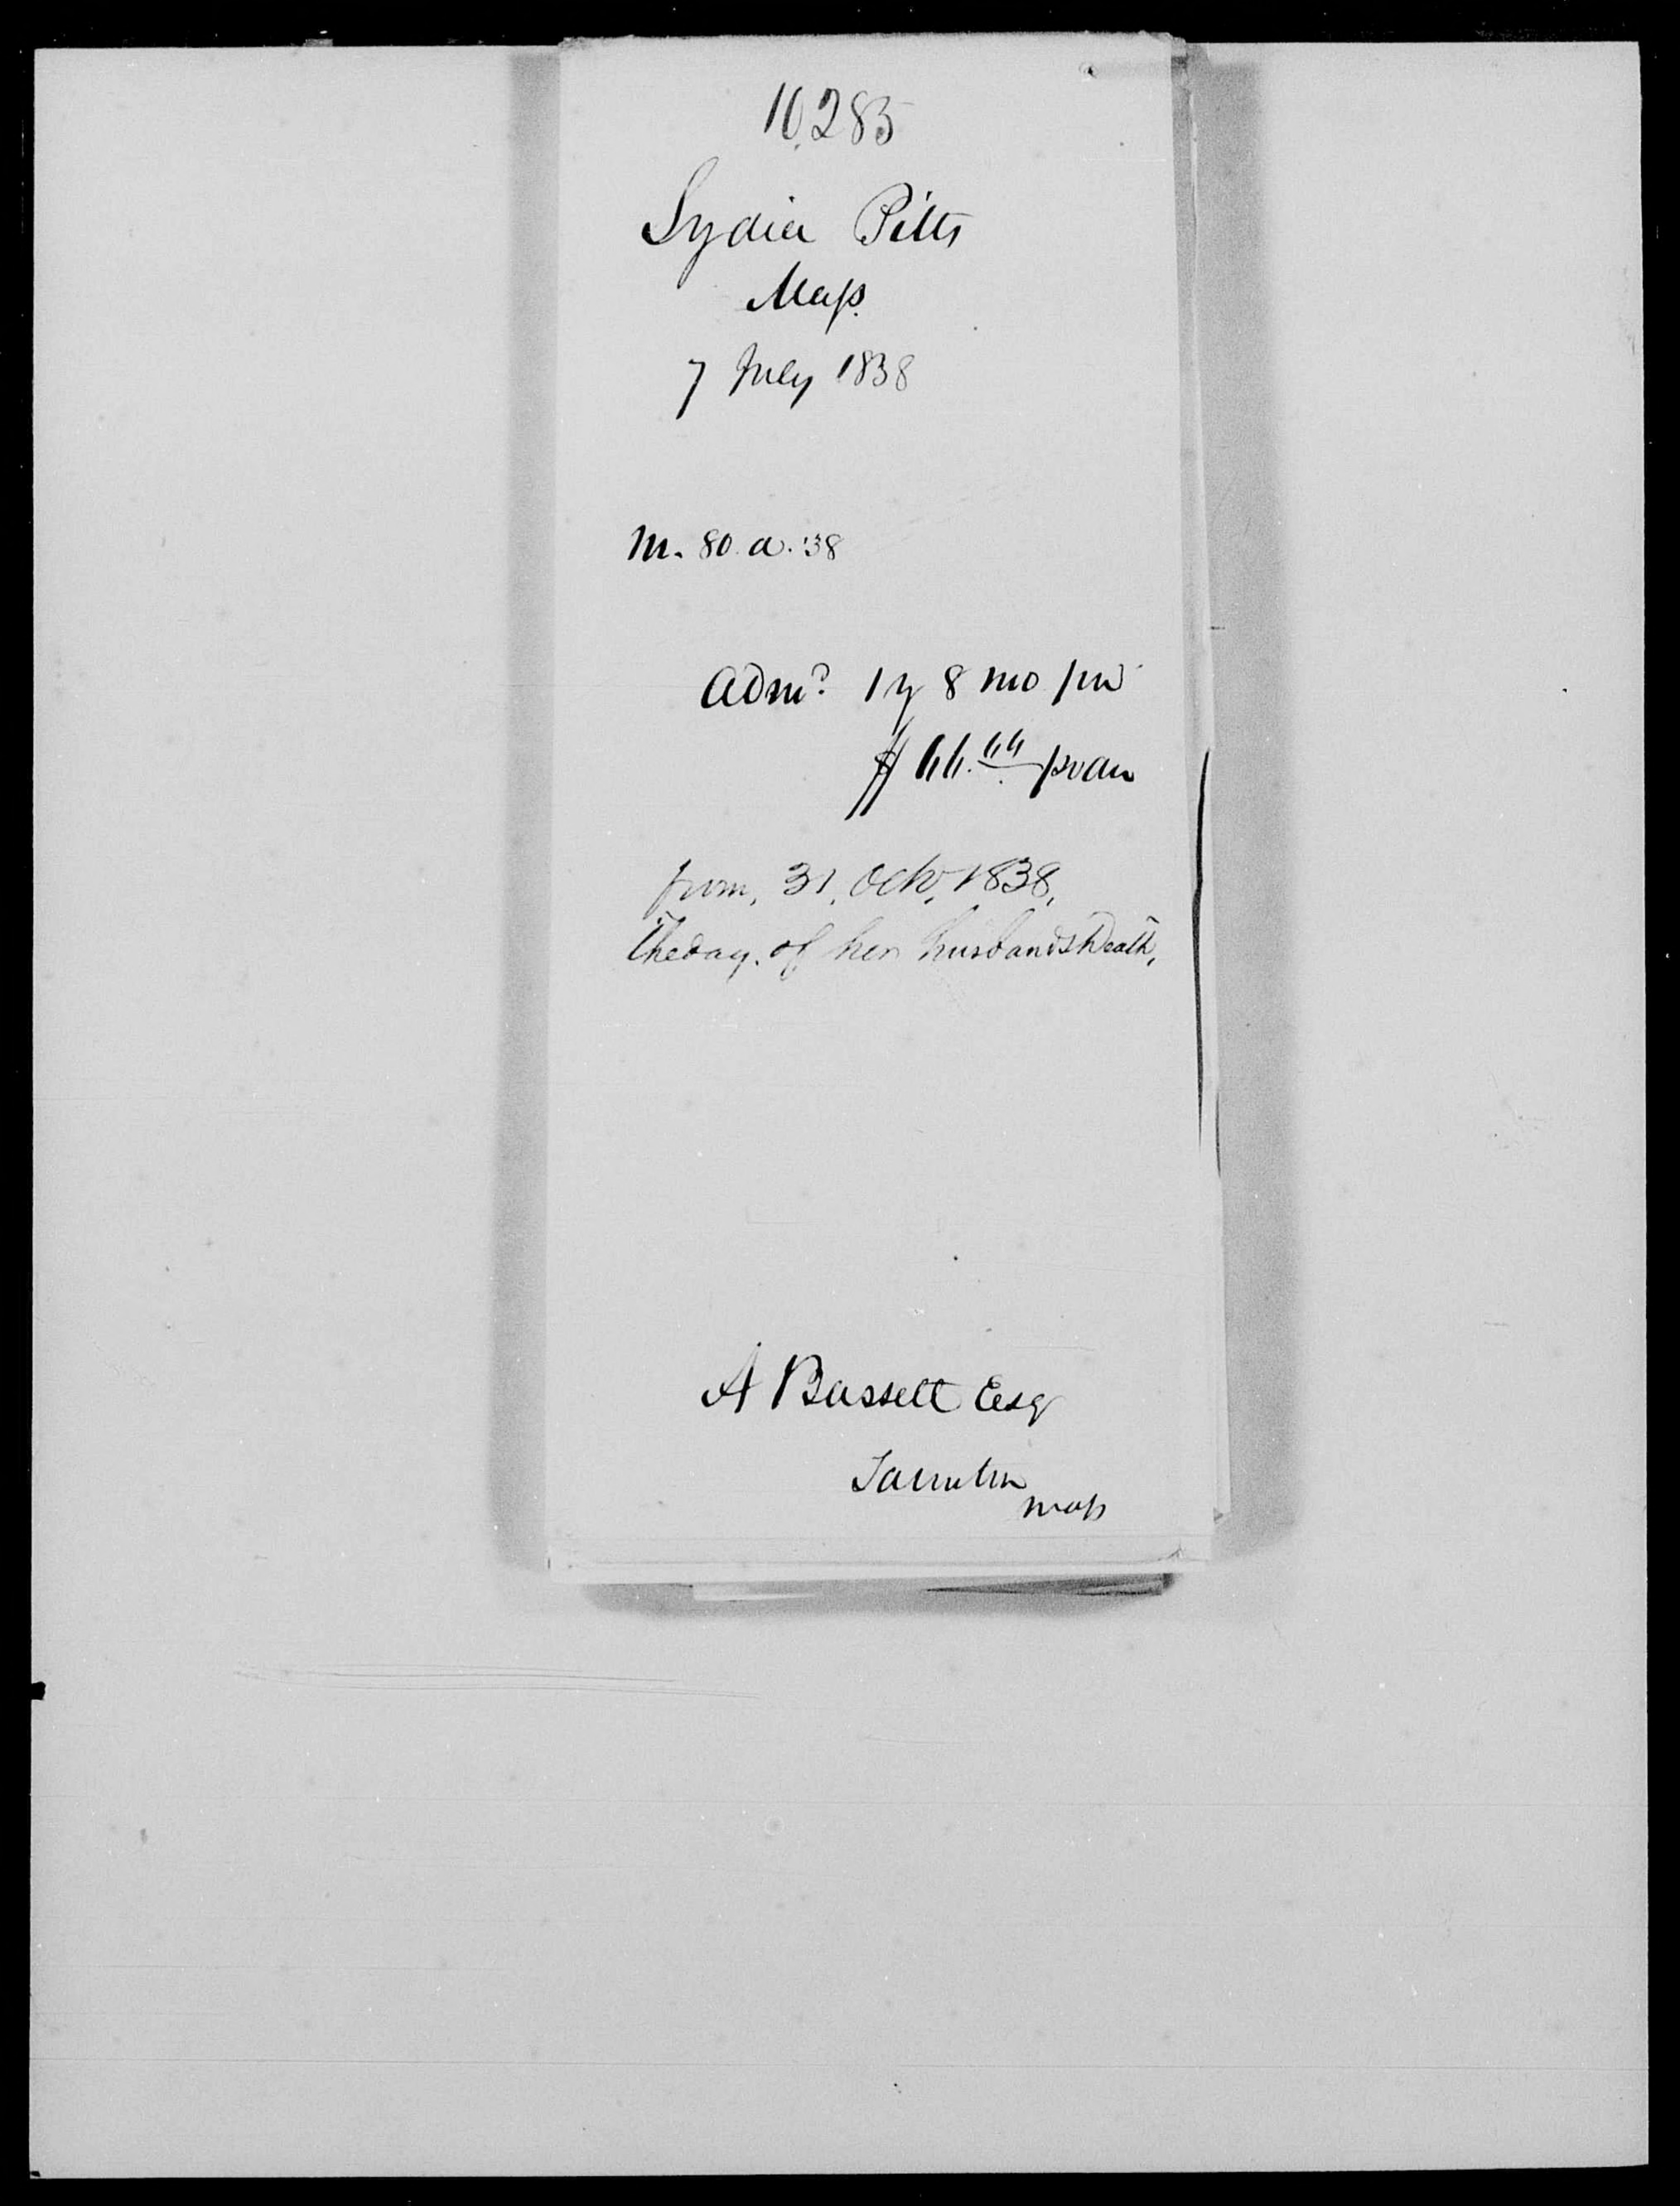10283
Lydia Pitts
Mass.
7 July 1838
M. 80. a. '38
Adm 1y 8mo. /
$66.66 per annum
from 31. Oct. 1838,
the day of her husbands death,
A Bassett Esq
Taunton
Mass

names: A Bassett; Lydia Pitts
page: 10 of 54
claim: widow's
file: W. 26,897, for George Pitts, Massachusetts